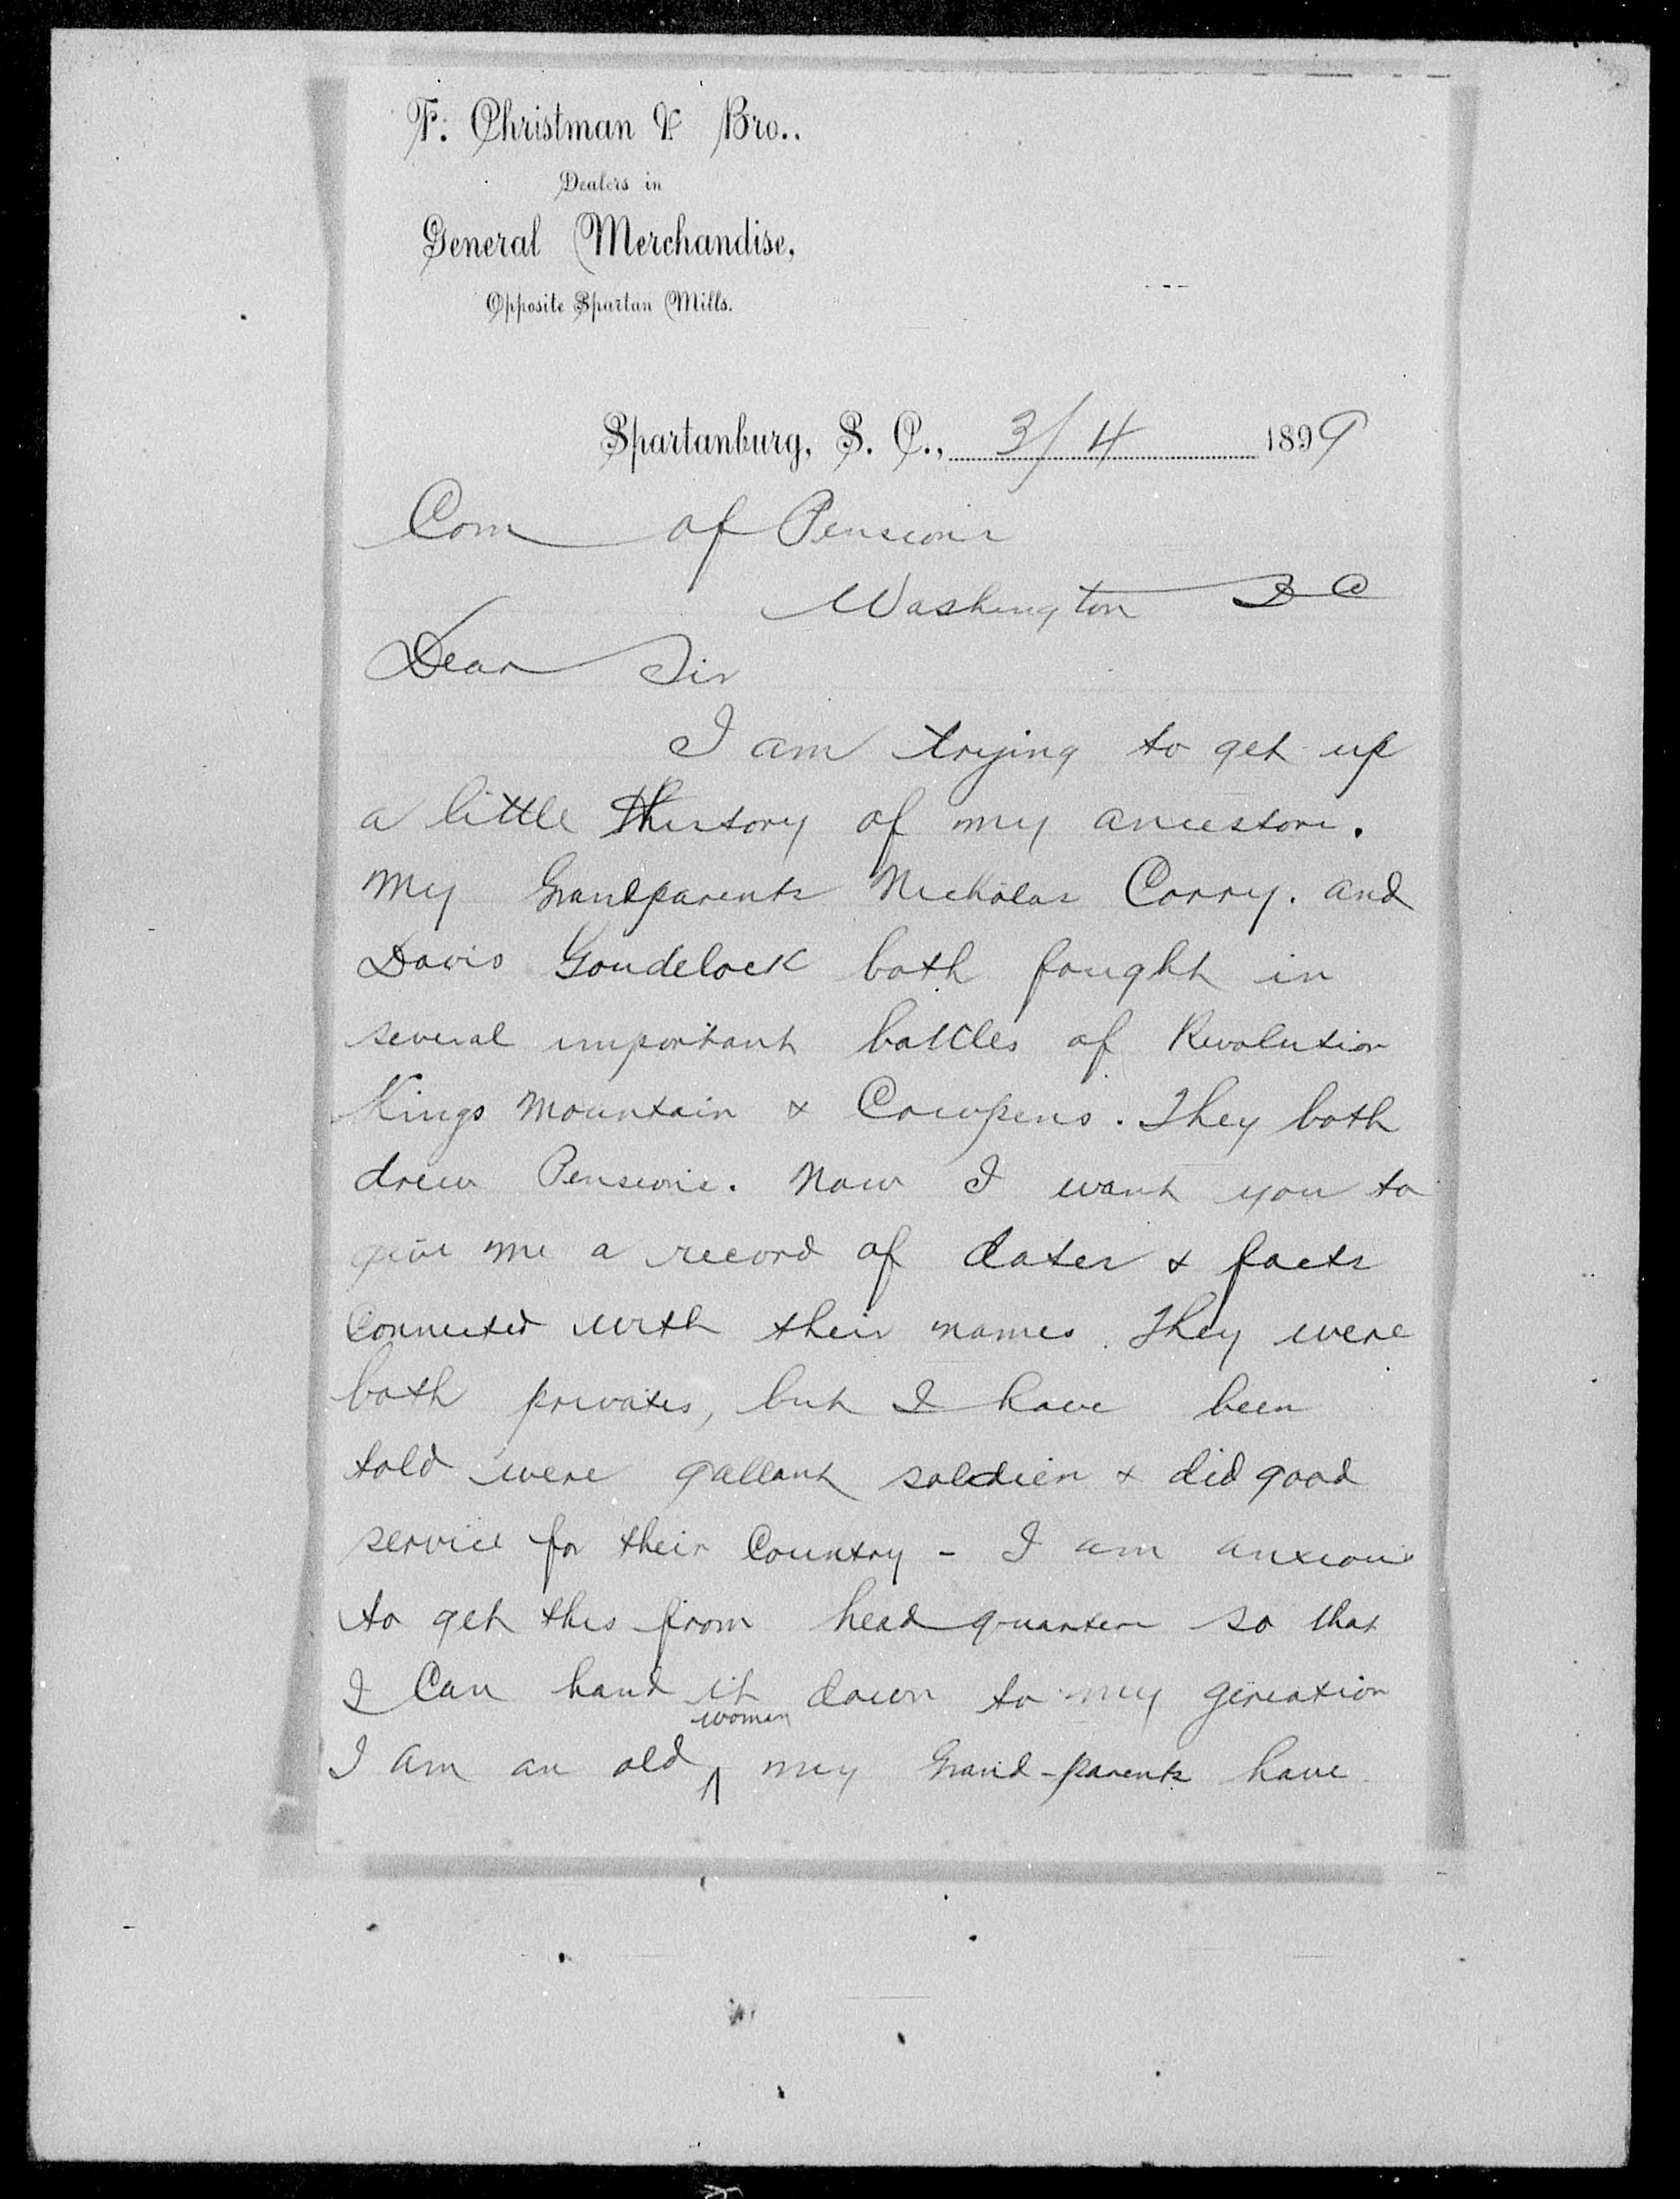F. Christman & Bro.
Dealer in
General Merchandise
Opposite Spartan Mills
Spartanburg, S. C., 3/4 1899
Com of Pensions
Washington DC
Dear Sir
I am trying to get up a little history of my ancestor.  My Grandparent Nicholas Corry and
Davis Goudelock both fought in several important battles of Revolution Kings Mountain & Cowpens. They both drew Pension.  Now I want you to give me a record of dates & facts Connected with their names.  They were both privates, but I have been told were gallant soldier & did good service for their country. I am anxious to get this from headquarter so that I can hand it down to my geneation  I am an old woman   my Rrand-parents have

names: Davis Goudelock, Nicholas Corry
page: 13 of 18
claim: survivor's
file: S. 21,236, Davis Goudelock, S.C.